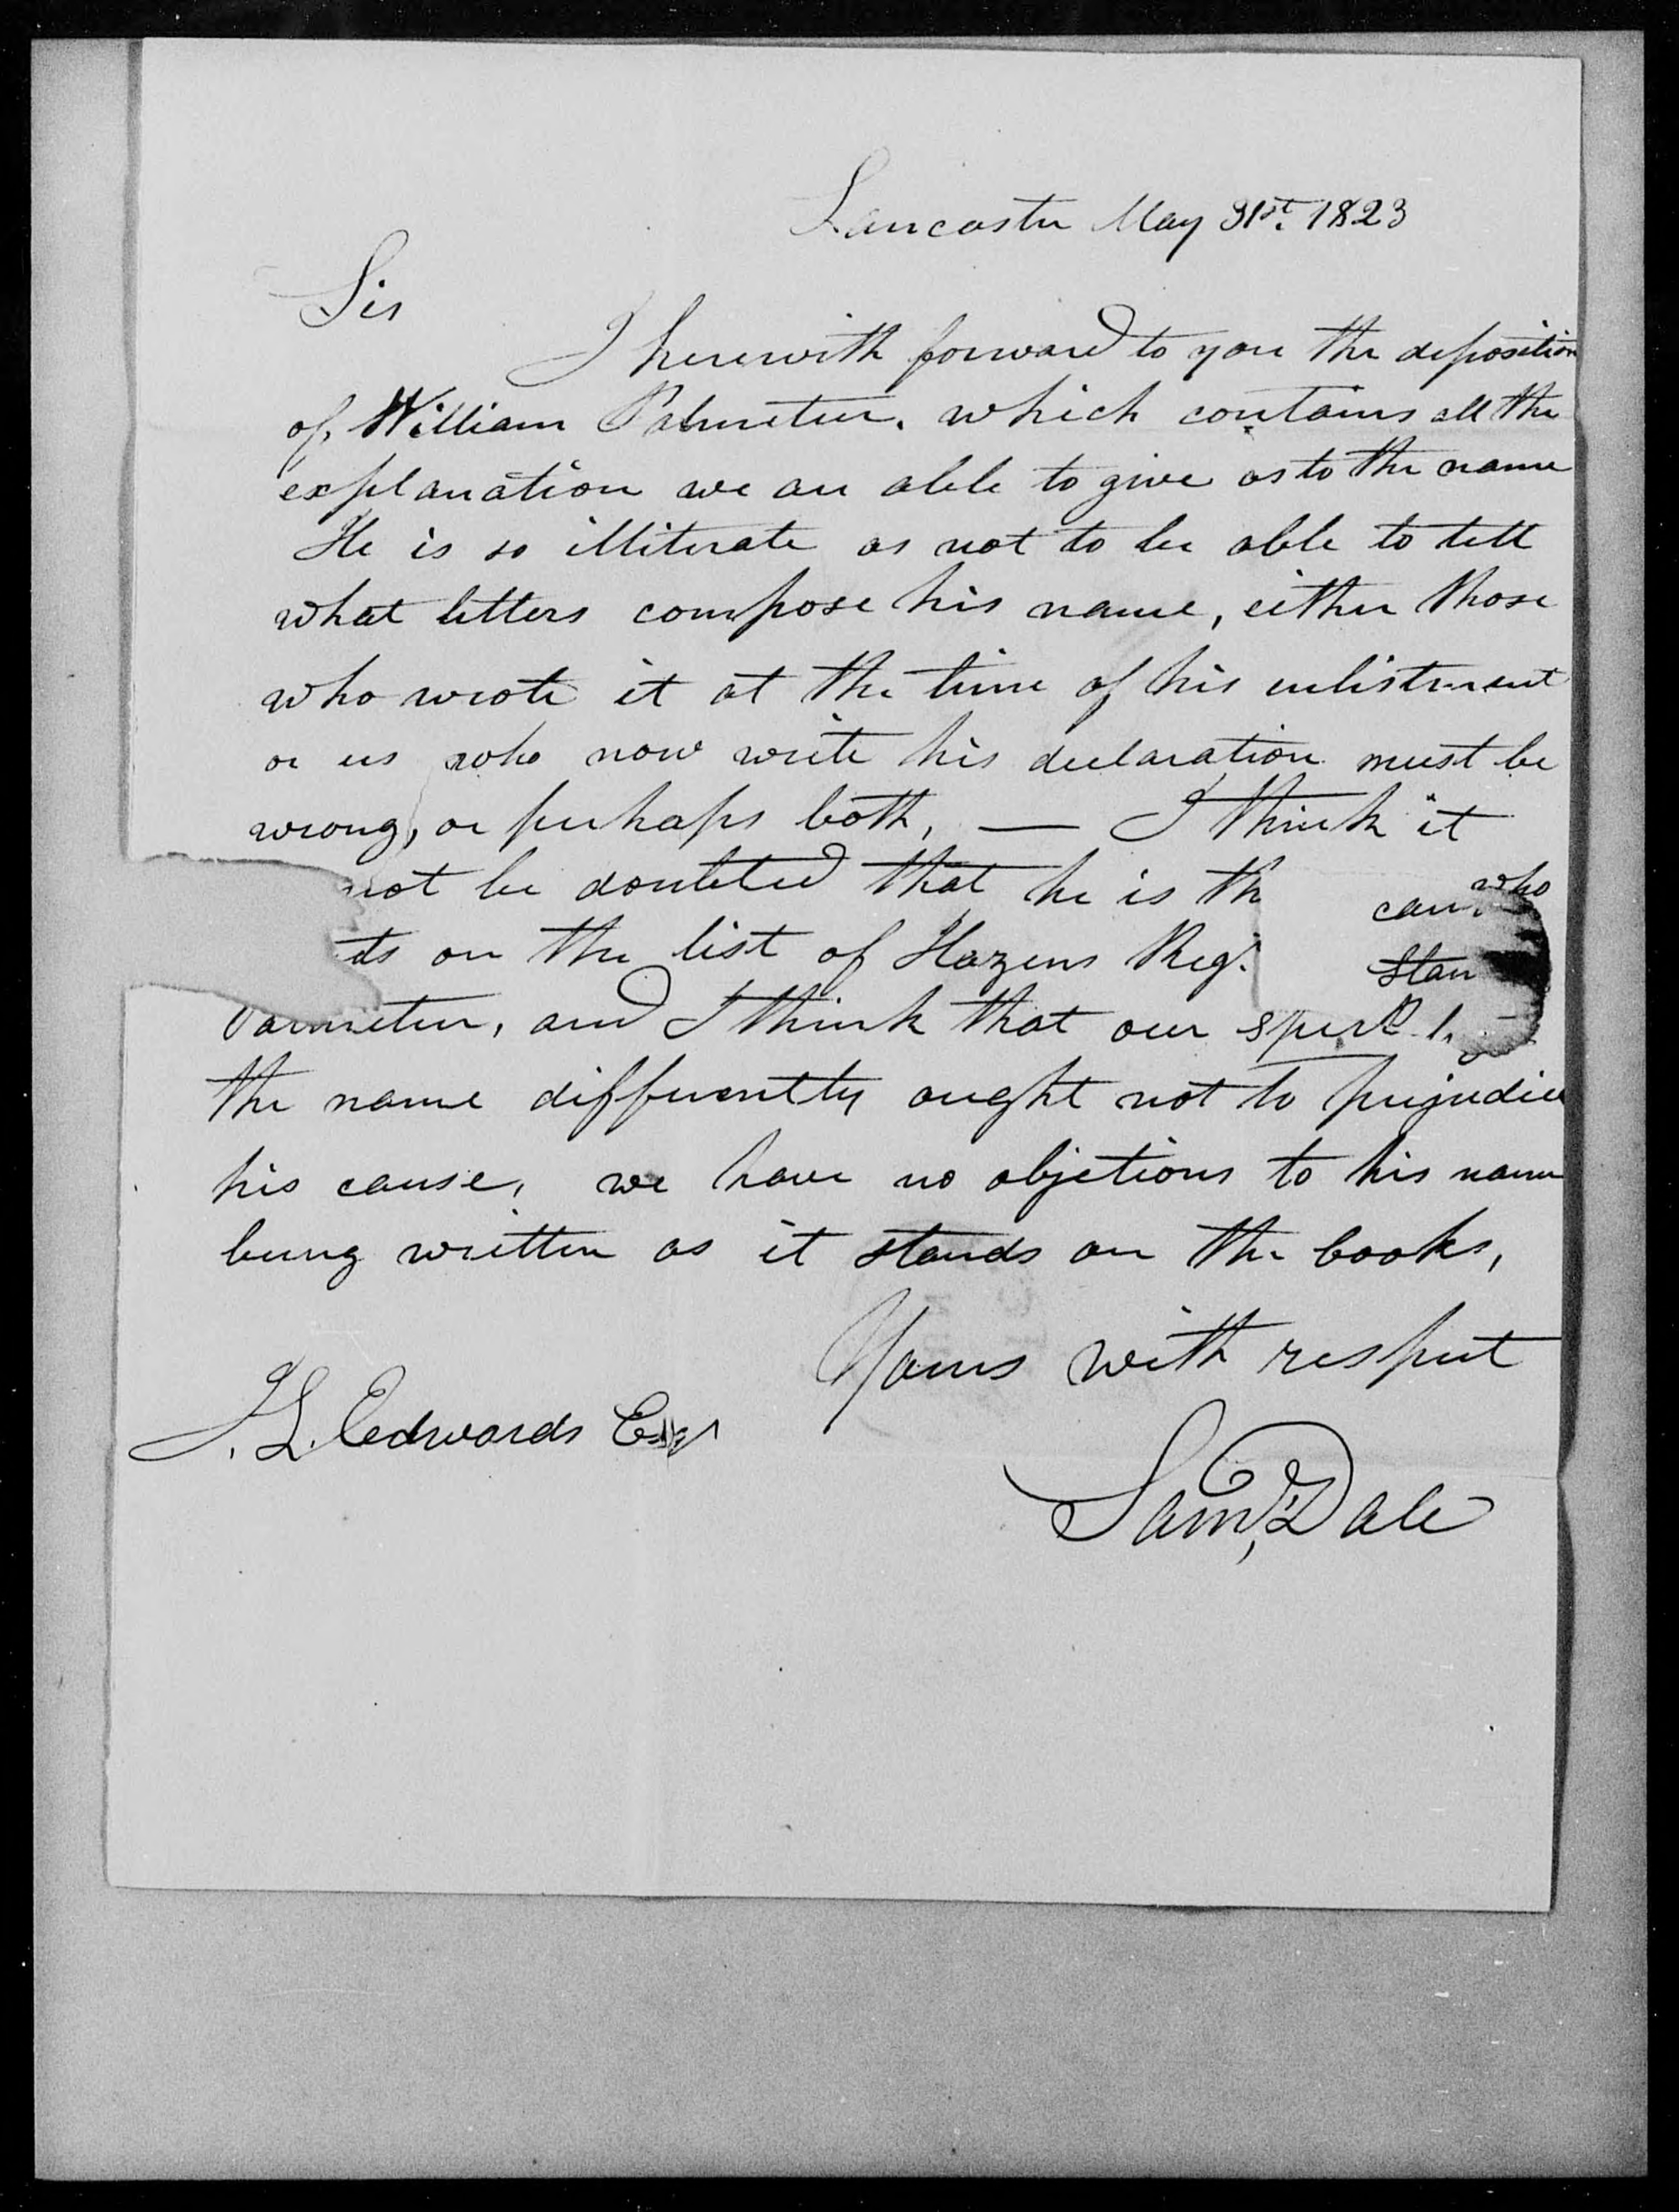Lancaster May 31st 1823

Sir,
    I herewith forward to you the deposition of William Palmeteer, which contains all the explanation we are able to give as to the name.
He is so illiterate as not to be able to tell what letters compose his name, either those who wrote it at the time of his enlistment or us who now write his declaration must be wrong, or perhaps both.  I think it is not to be doubted that he is the person who is on the list of Hazen's Reg.  He Paulmeteer, and I think that our spelling the name differently ought not to prejudice his cause, we have no objections to his name being written as it stands on the books.

Yours with respect
//s//
Sam. Dale

J.L. Edwards Esq.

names: J L Edwards; Sam Dale; William Palmeteer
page: 10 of 14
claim: survivor's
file: S. 40242, for William Palmiteer, Pennsylvania